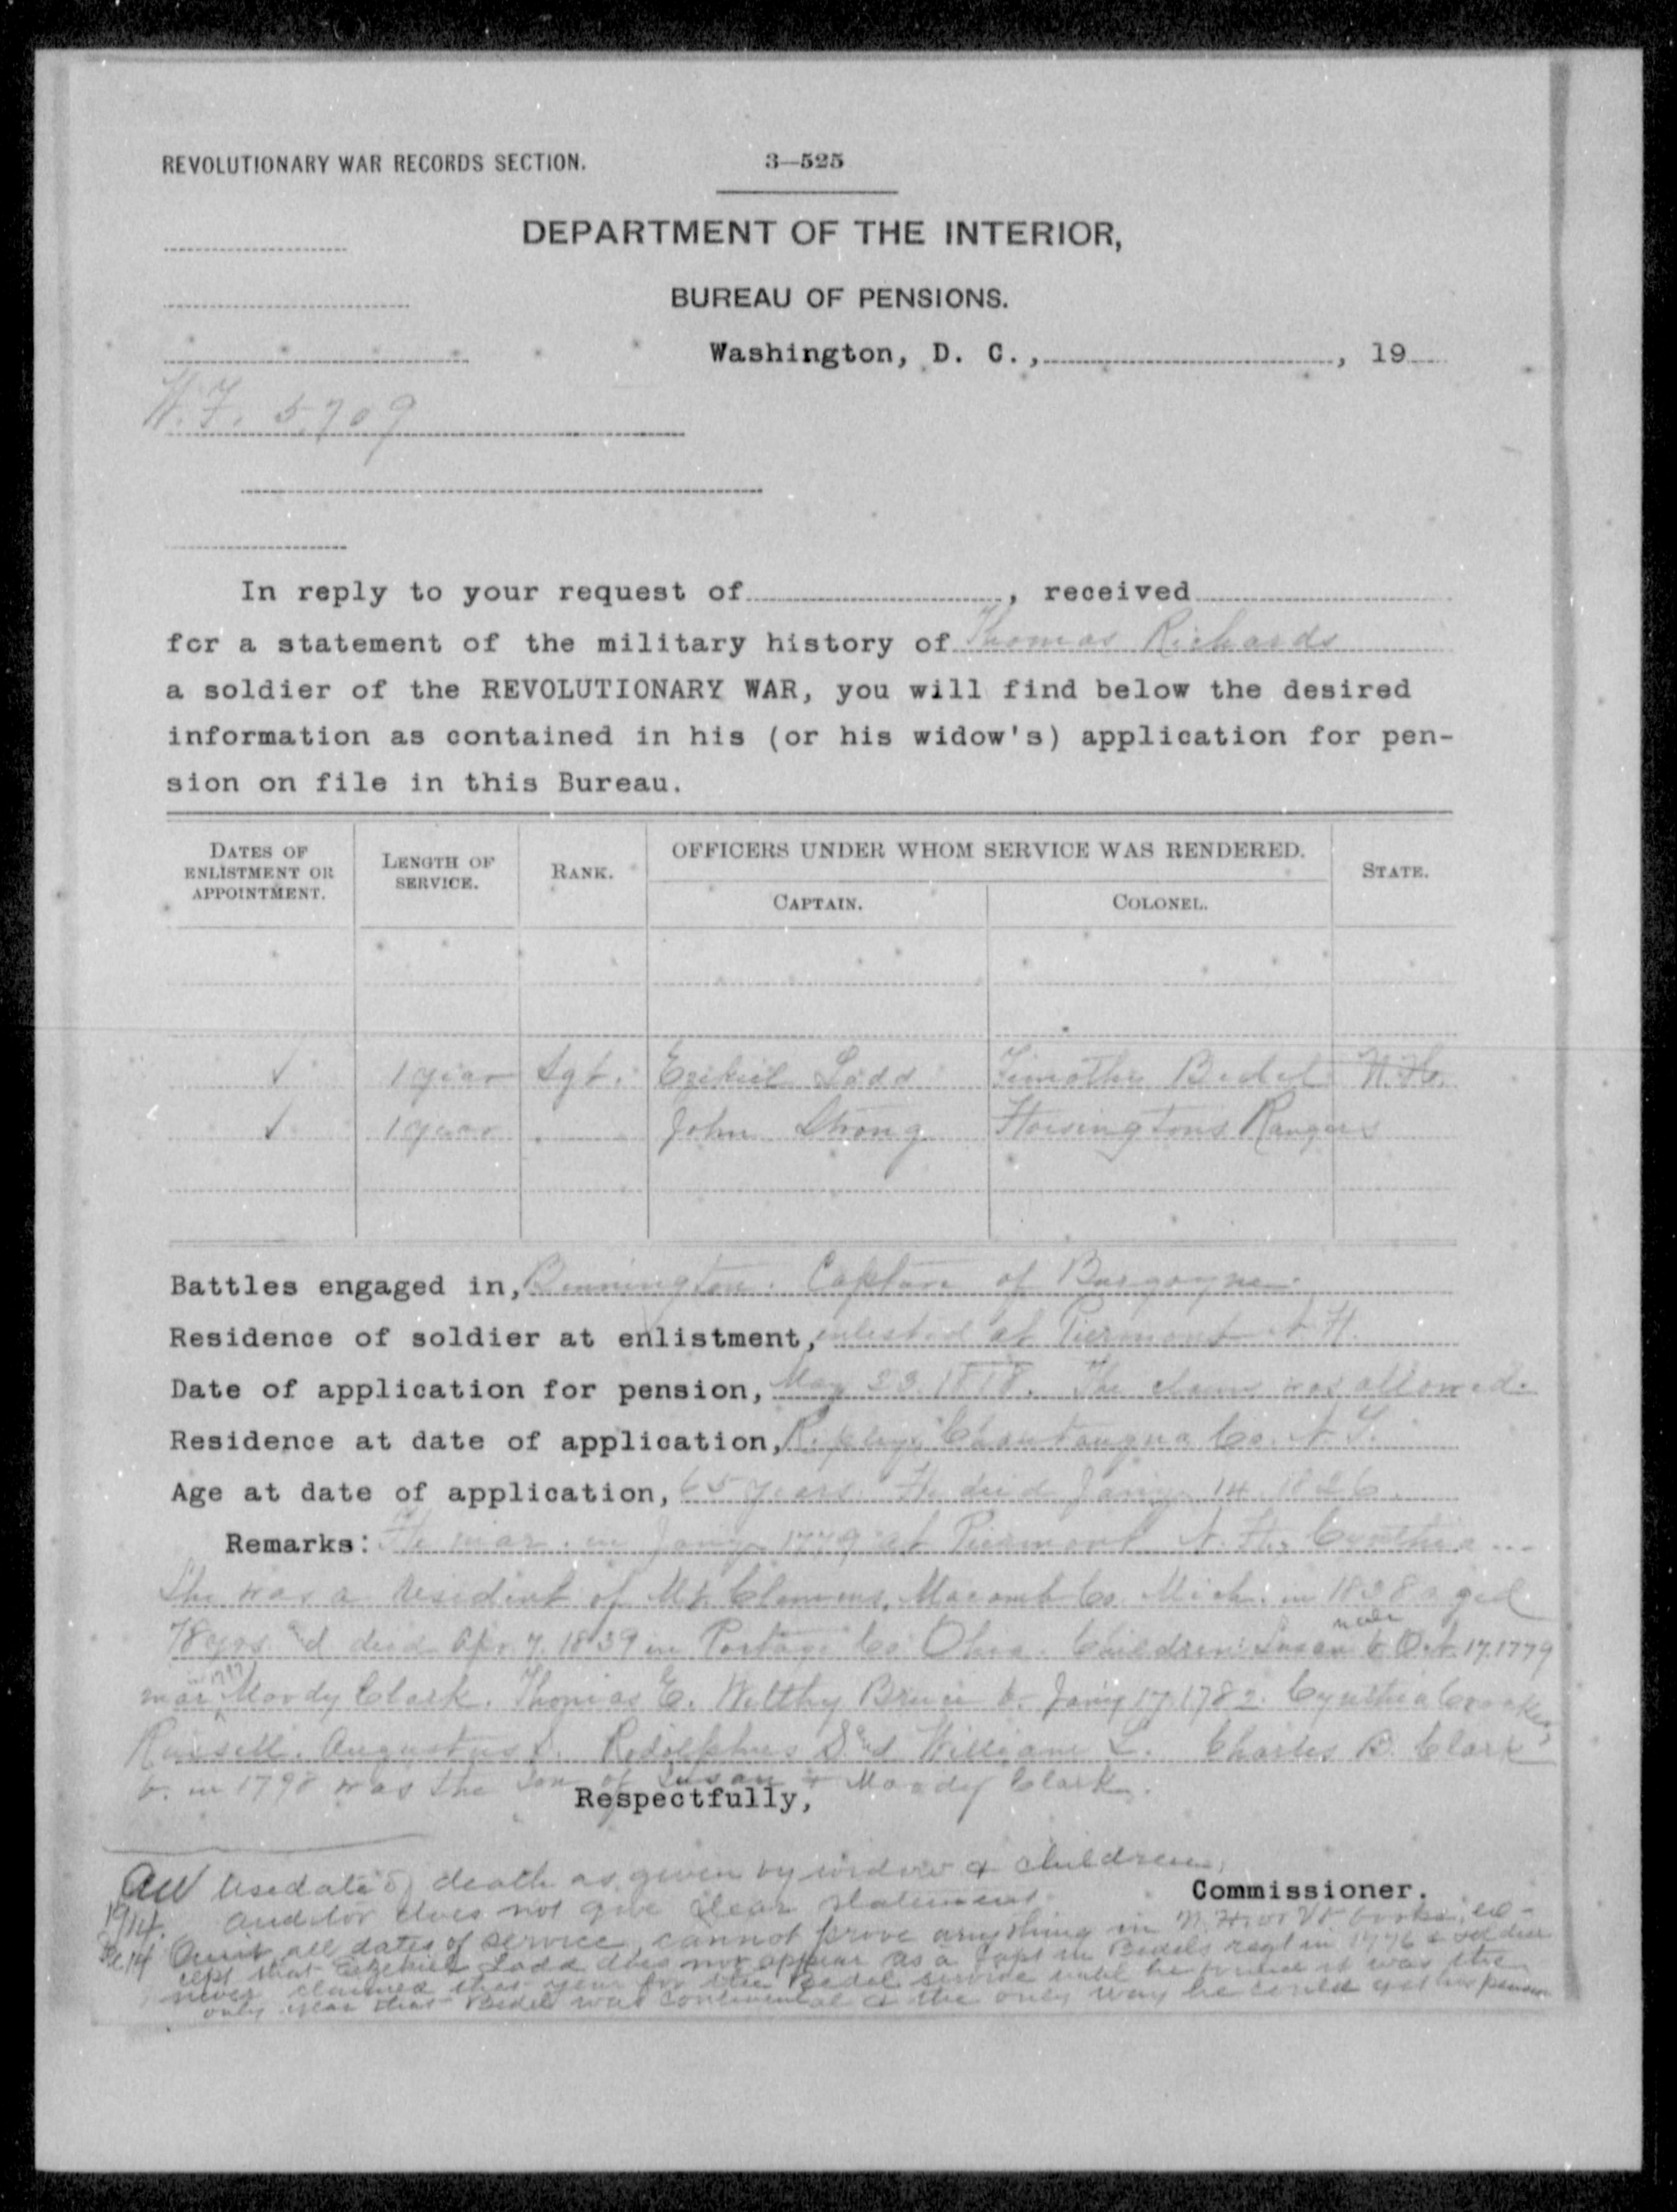REVOLUTIONARY WAR RECORDS SECTION. 3-525
-
DEPARTMENT OF THE INTERIOR.
BUREAU OF PENSIONS.
Washington, D. C. 19
W.F. 5.709
In reply to your request of ---, received ---
for a statement of the military history of Thomas Richard soldier of the REVOLUTIONARY WAR, you will find below the desired formation as contained in his (or his widow's) application for pension on file in this Bureau.
DATES OF ENLISTMENT OR APPOINTMENT. |
LENGTH OF SERVICE. | RANK. |
OFFICERS UNDER WHOM SERVICE WAS RENDERED.
CAPTAIN. COLONEL. | STATE.
✓ | 1 year | Sgt. | Ezekiel Ladd Timothy Bedel [BEADLE] | N.H.
✓ | 1 year | | John Strong | Hoisington's Rangers |

Battles engaged in, Bennington Capture of Burgoyne
Residence of soldier at enlistment, enlisted at Piermont N.H.
Date of application for pension, May 23 1818 The same not allowed
Residence at date of application, Ripley Chautauqua Co. [COUNTY] N.Y.
Age at date of application, 65 years He died Jany [JANUARY] 14 1826.
Remarks:  He was in Jany 1779 at Piermont N.H.  Cynthia She was a resident of Mt. Clemens, Macomb Co. [COUNTY] Mich. [MICHIGAN] in 1838 aged 78 yrs. and died Apr. 7, 1839 in Portage Co Ohio. Children Susan Clark b. [BORN] Oct. 17.1779 Mar 1797 Moody Clark, Thomas E. Wealthy Bruce b. Jany 17 1782. Cynthia Crocker Russell Augustus S. Roldolpheous S and William L. Charles B. Clark b. 1798 was the son of Susan & Moody Clark.
Respectfully, 
aw 1914 used date of death as given by widow & children, auditor does not give clear statuses.
Audit all dates of service, cannot prove anything in N.H. or Vt. books, except that Ezekiel Ladd does not appear as a Capt [CAPTAIN] in Bedels regt [REGIMENT] in 1776 & soldier never claimed that year for the Bedel service until he [illegible] was then only year that Bedel was Continental & the only way he could get his pension
Commissioner.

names: Welthy Bruce; Cynthia [BLANK]; Thomas Richards; Russell [BLANK]; Augustus S [BLANK]; Cynthia Crocker; [BLANK] Hoisington; Rodolphus S [BLANK]; Thomas E [BLANK]; Susan Clark; Susan [BLANK]; Moody Clark; Charles B Clark; Ezekiel Ladd; Ezekiel Ladd; Moody Clark; Timothy Bidel; John Strong; William L [BLANK]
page: 96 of 109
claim: widow's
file: W. 5709, for Thomas Richards, New Hampshire